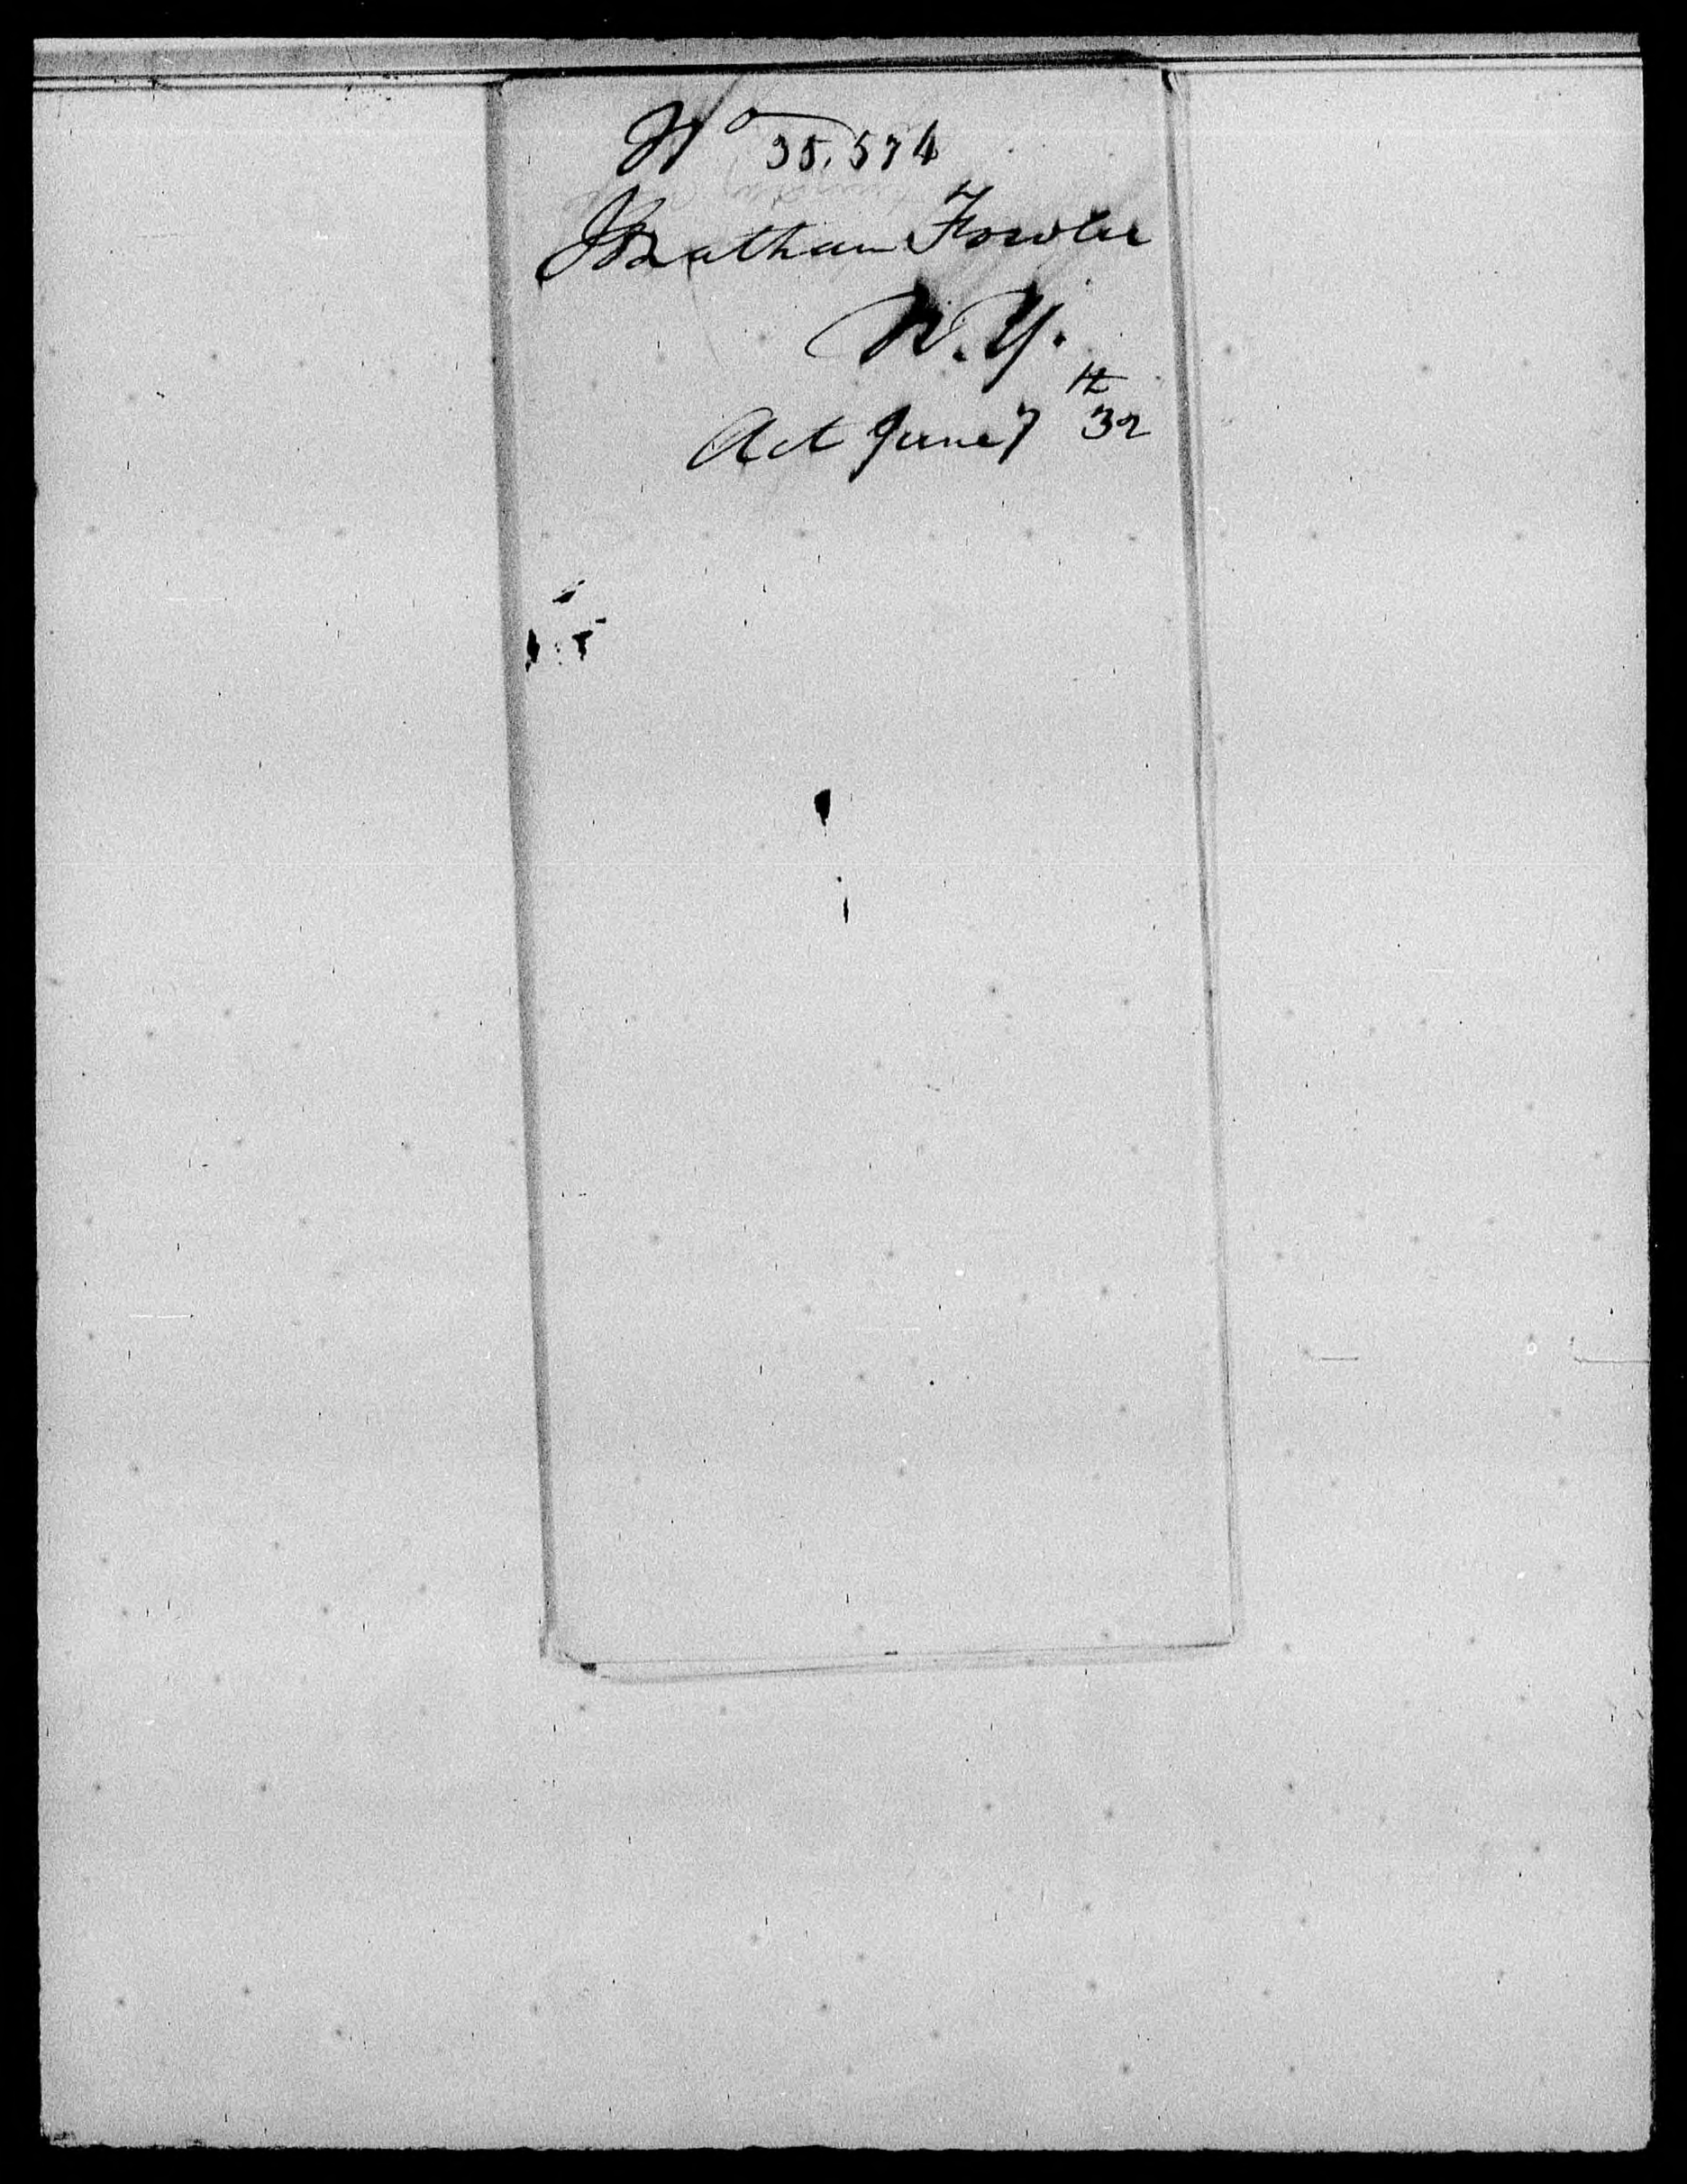No 55,574
Jonathan Fowler
N.Y.
Act June 7th 32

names: Jonathan Fowler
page: 10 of 44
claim: survivor's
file: S. 23639, Jonathan Fowler, New York